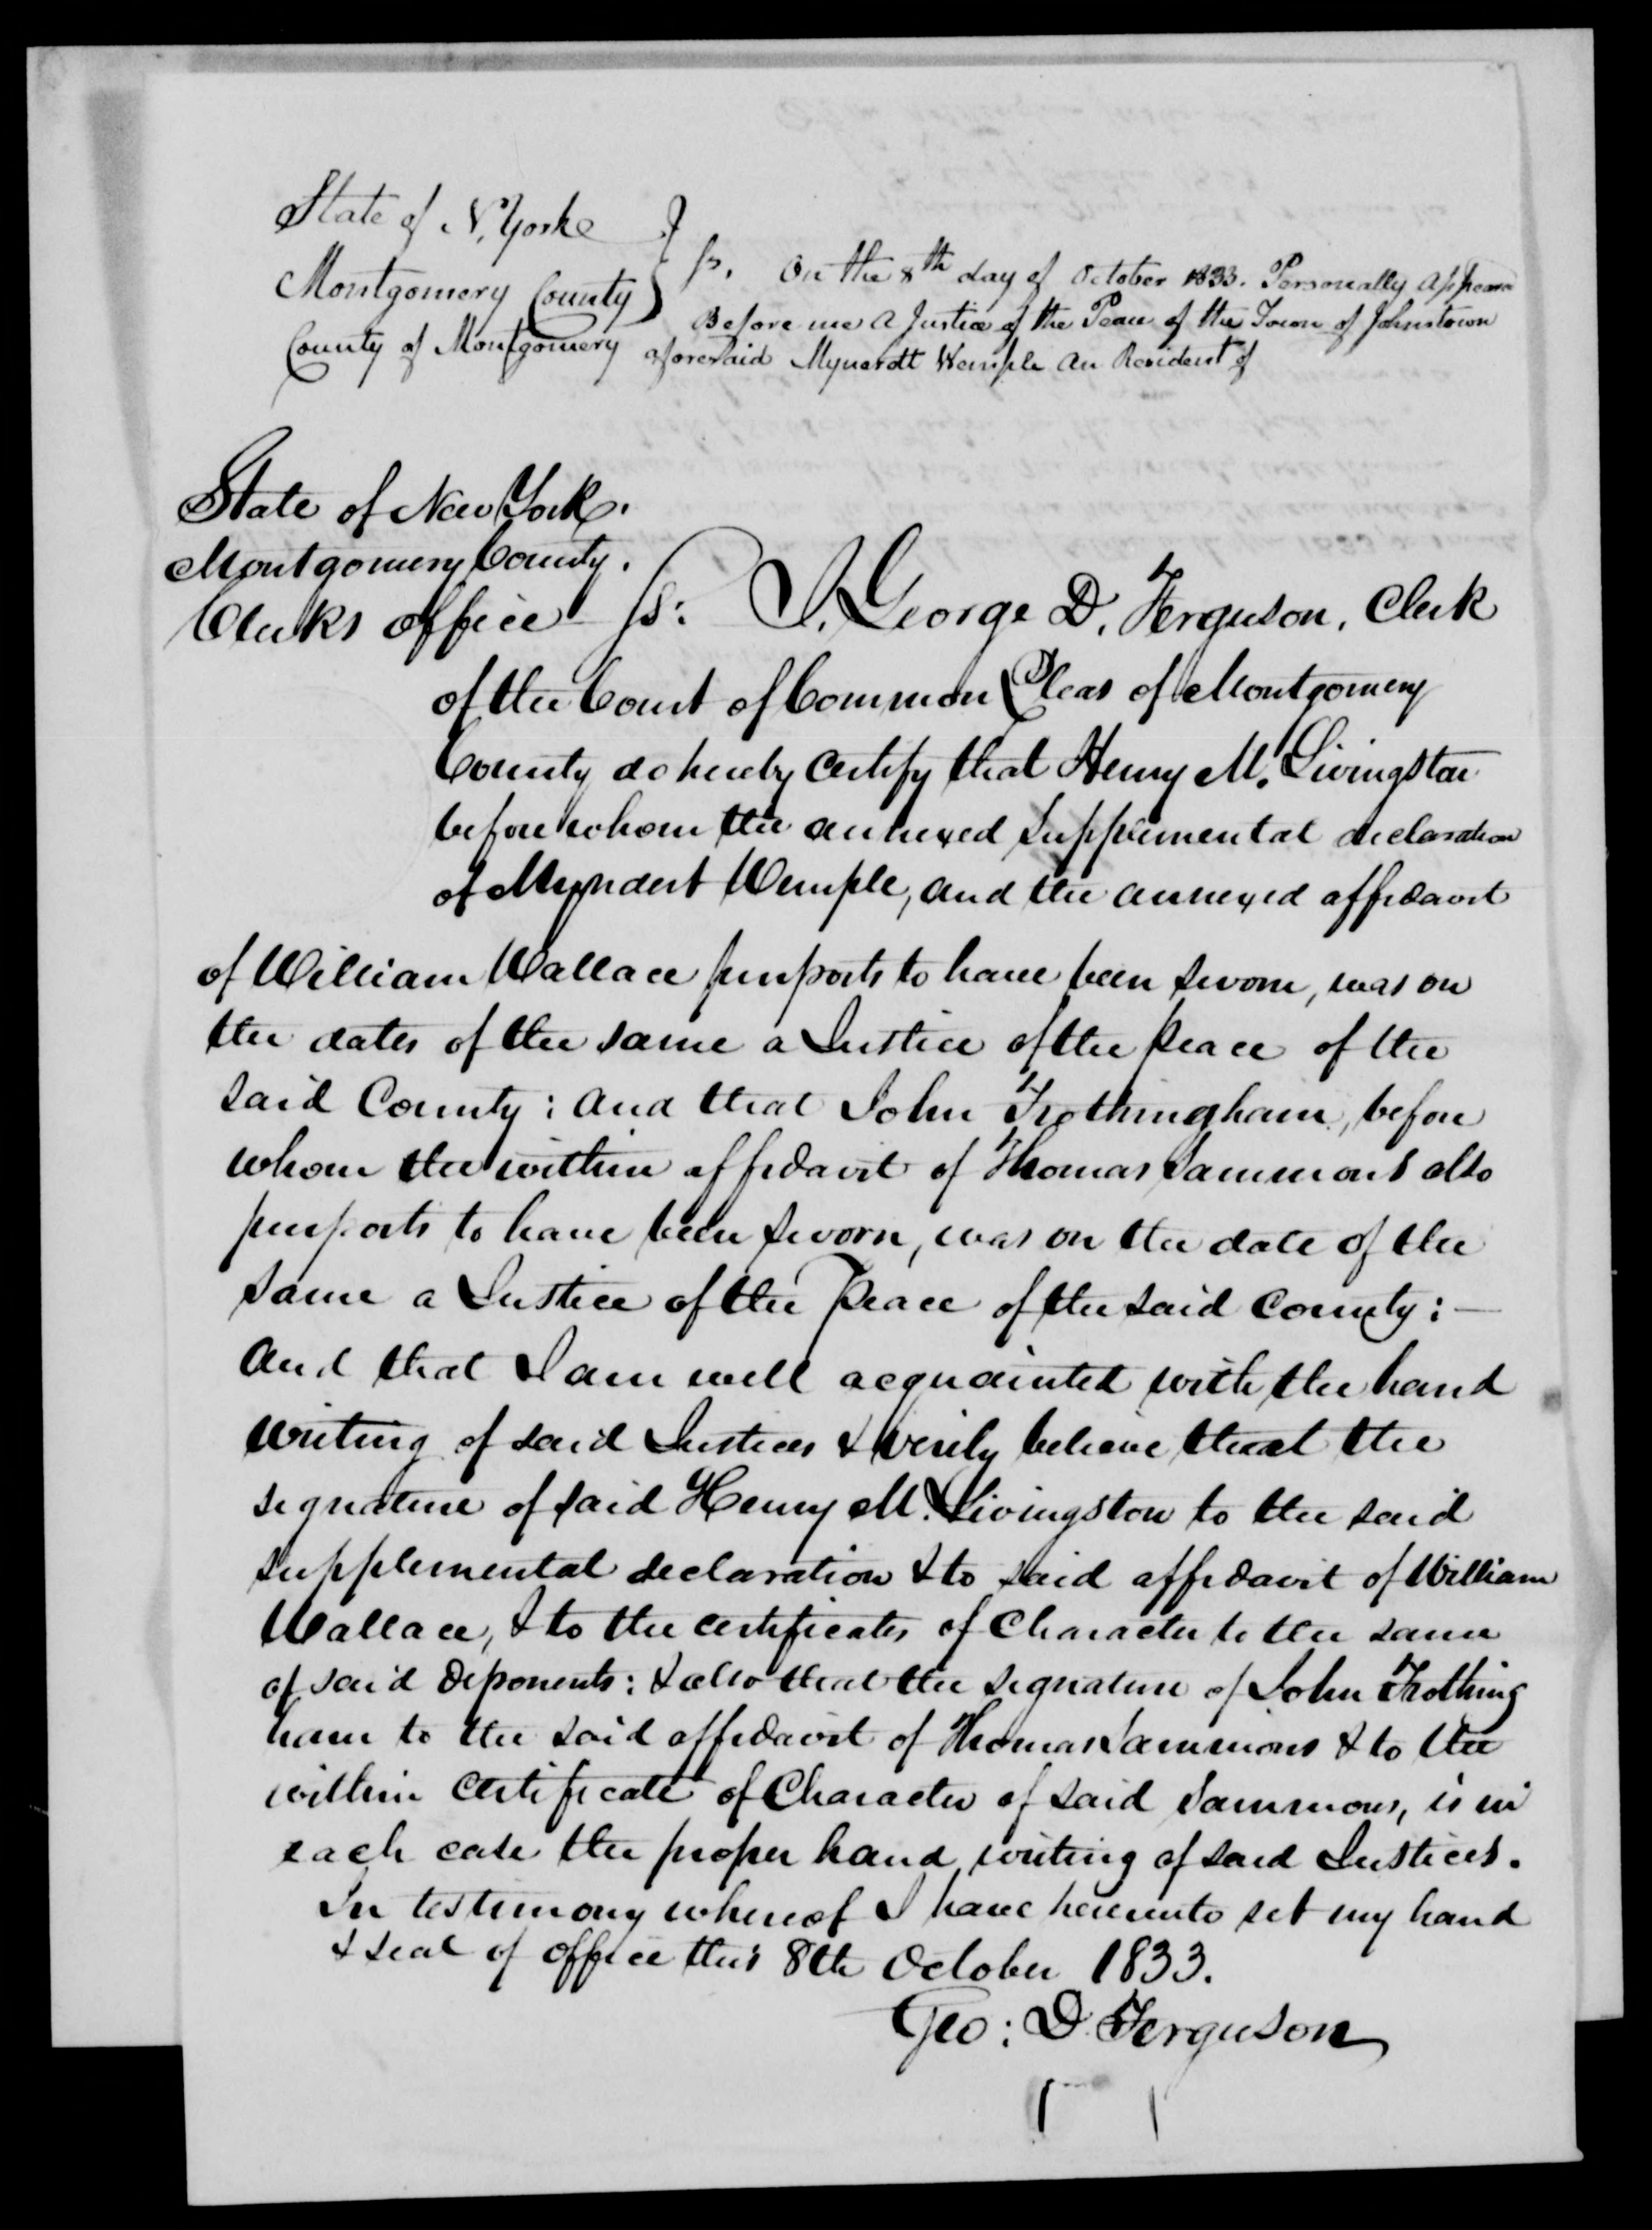State of N. York}
Montgomery County}  ss
On the 8th day of October 1833. Personally appeared
Before me a Justice of the Peace of the Town of Johnstown
County of Montgomery aforesaid Mynderdt(Myndert) Wemple an Resident of

State of New York,
Montgomery County,
Clerks office ss:      I, George D. Ferguson, Clerk
of the Court of Common Pleas of Montgomery
County do hereby certify that Henry M. Livingston
before whom the annexed supplemental declaration
of Myndert Wemple, and the annexed affidavit
of William Wallace purports to have been sworn, was on
the dates of the same a Justice of the peace of the
said County: and that John Frothingham, before
whom the within affidavit of Thomas Sammons also
purports to have been sworn, was on the date of the same
a Justice of the peace of the said County:-
and that I am well acquainted with the hand
writing of said Justice & verily believe that the
signature of said Henry M Livingston to the said
supplemental declaration & to said affidavit of William
Wallace, & to the certificates of character to the same
of said deponents: & also that the signature of John Frothingham
to the said affidavit of Thomas Sammons & to the
within certificate of Character of said Sammons, is in
each case the proper hand writing of said Justices.
In testimony whereof I have hereunto set my hand
& seal of office this 8th October 1833.
Geo: D. Ferguson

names: Thomas Sammons, John Frothingham, William Wallace, Mynerdt Wemple, Henry M Livingston, George D Ferguson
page: 10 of 51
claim: widow's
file: W. 19604, Myndert B Wemple, New York